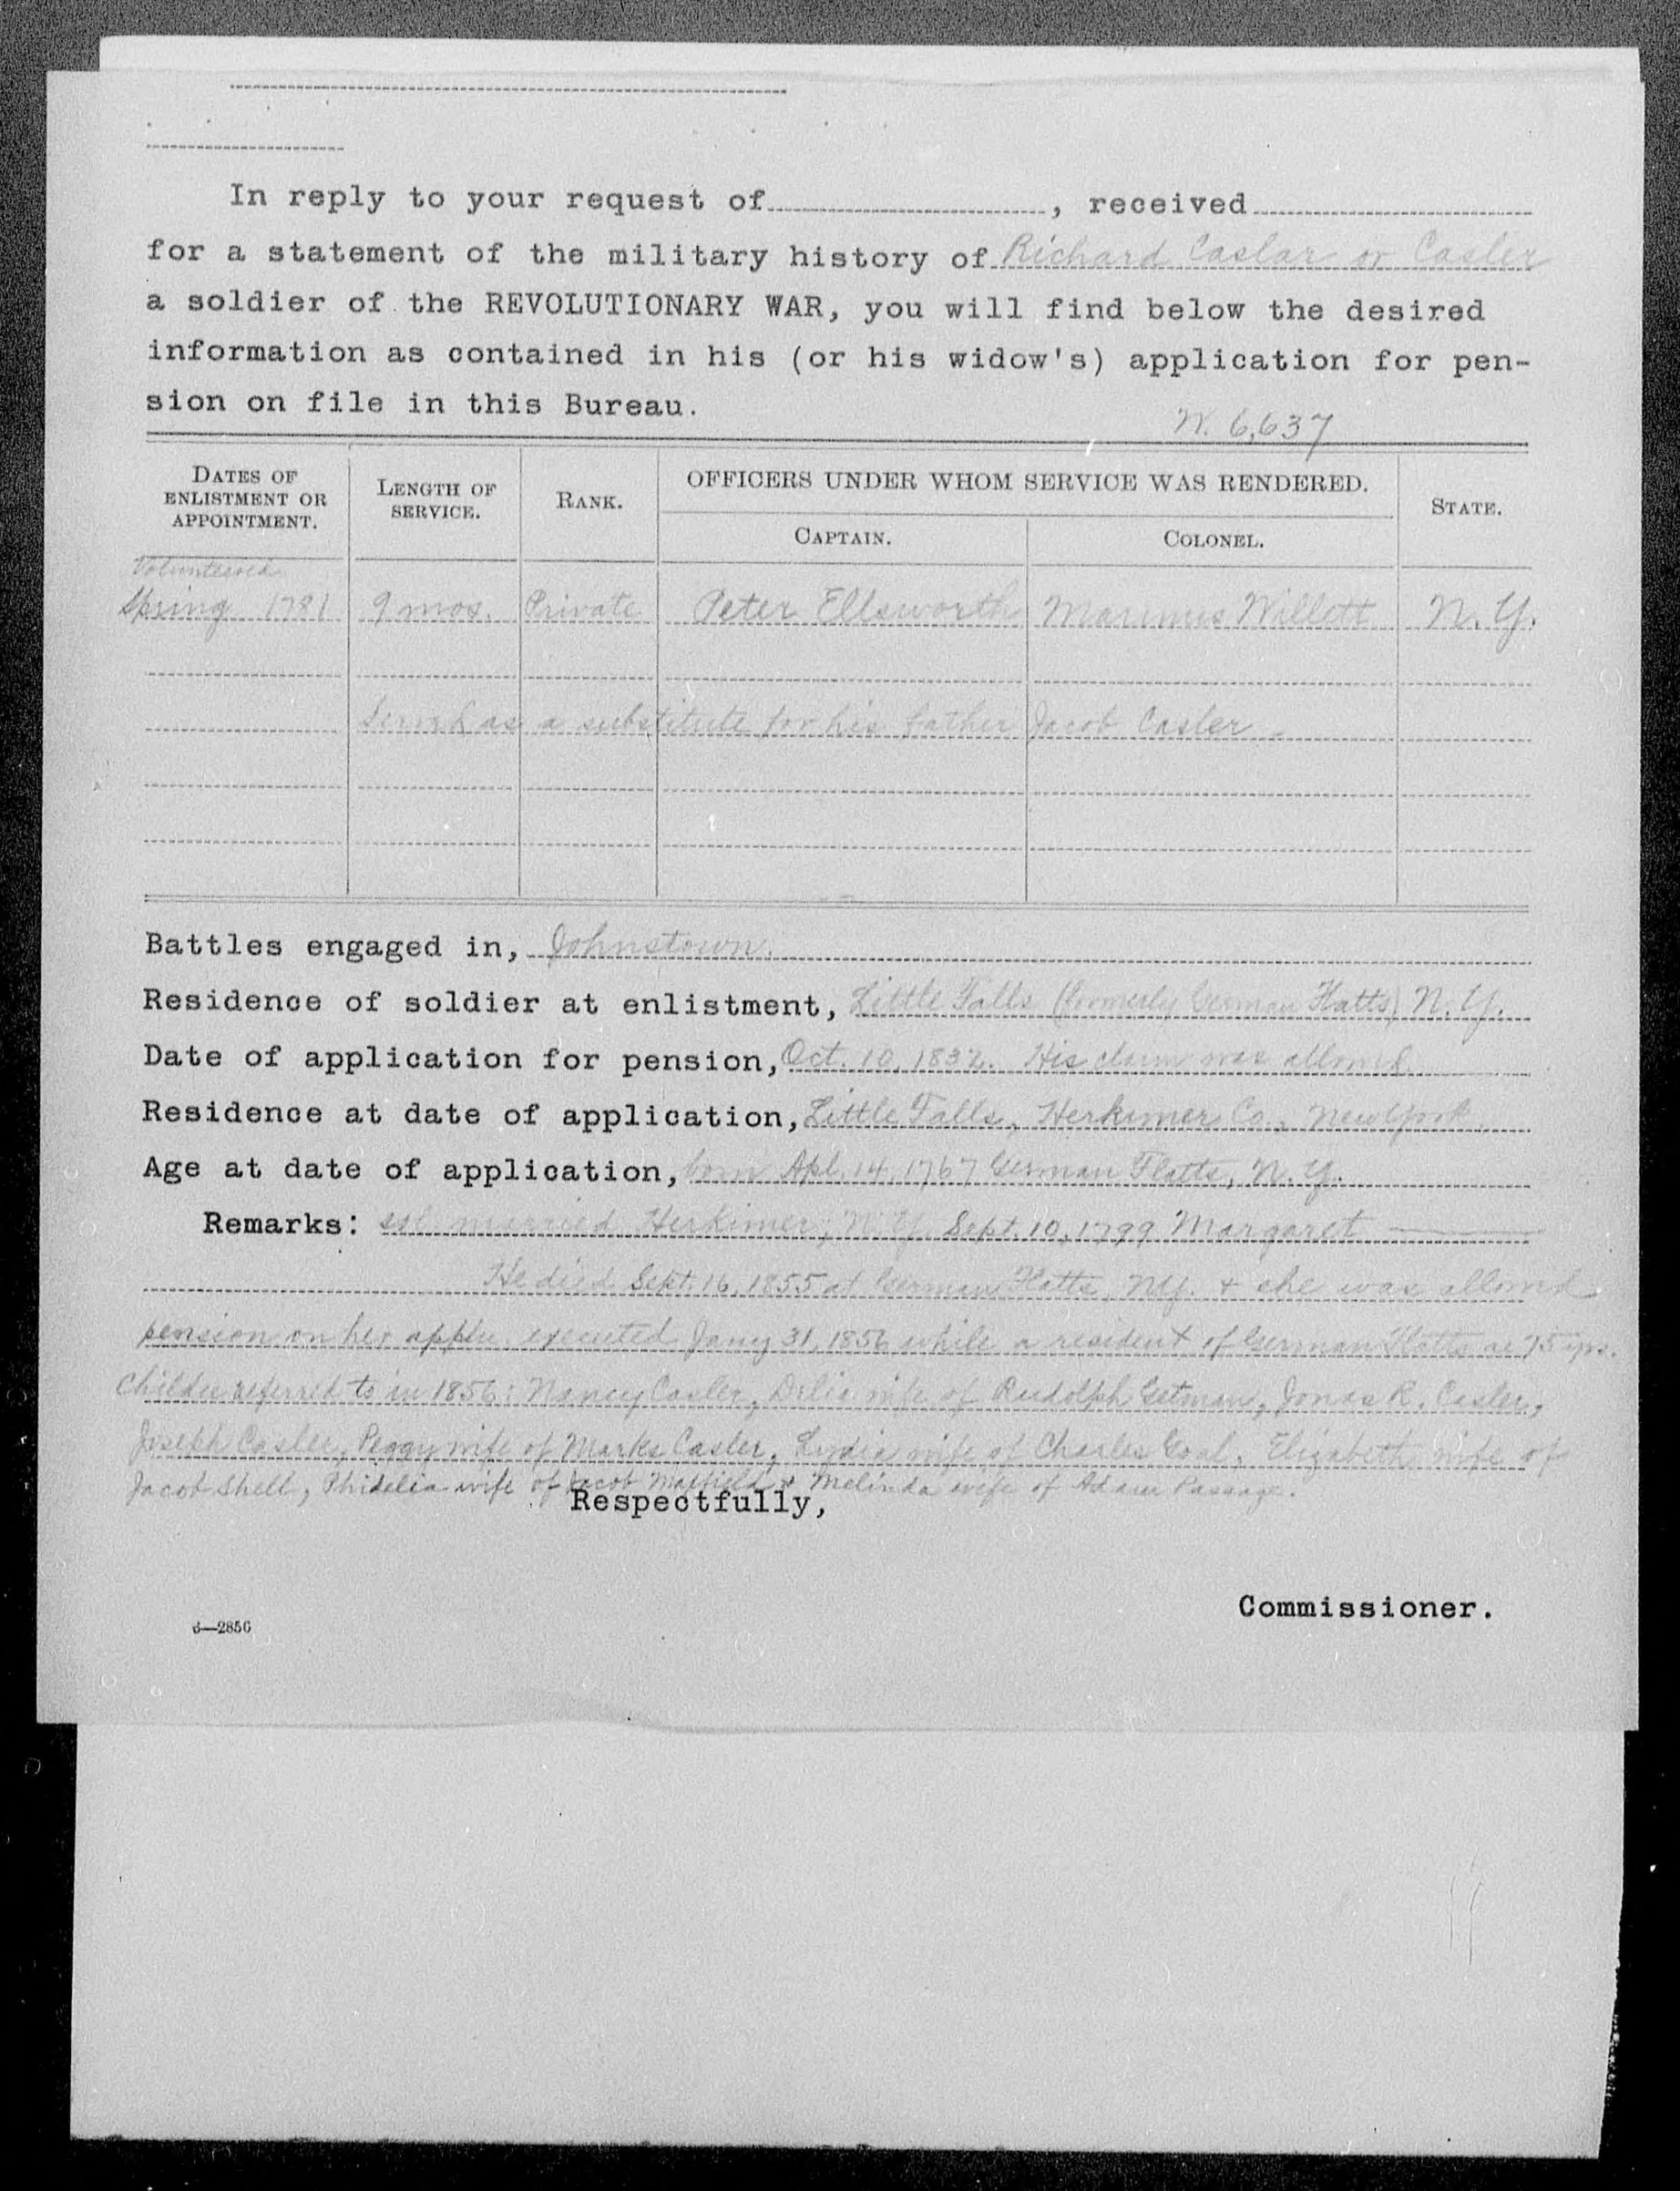In reply to your request of ___ received ___ for a statement of Richard Caslar or Casler the military history of a soldier of the REVOLUTIONARY WAR, you will find below the desired information as contained in his (or his widow's) application for pension on file in this Bureau. W. 6,637

[BEGIN TABLE]
DATES OF ENLISTMENT OR APPOINTMENT.  |   LENGTH OF SERVICE.   |   RANK.   |  OFFICERS UNDER WHOM SERVICE WAS RENDERED. CAPTAIN.   |   COLONEL.   |   STATE.  |
Volunteered Spring 1781  |  9 mos.  |  Private  |  Peter Ellsworth  |  Marinus Willett  |  N.Y.  |
Served as a substitute for his father Jacob Casler.
[END TABLE]

Battles engaged in, Johnstown
Residence of soldier at enlistment, Little Falls (formerly German Flatts) N.Y.
Date of application for pension, Oct. 10, 1832. His claim was allowed
Residence at date of application, Little Falls, Herkimer Co New York
Age at date of application, born Apl. 14, 1767 German Flatts, N.Y.
Remarks: sol. married Herkimer, N.Y. Sept. 10, 1799 Margaret 
He died Sept 16, 1855 at German Flatts, N.Y. & she was allowed pension on her appln. executed Jany 31, 1856 while a resident of German Flatts ae 75 yrs. Children referred to in 1856: Nancy Casler, Delia wife of Rudolph Getman, Jonas R. Casler, Joseph Casler, Peggy wife of Marks Casler, Lydia wife of Charles Goal, Elizabeth wife of Jacob Shell, Phidelia wife of Jacob Maxfield & Melinda wife of Adam Passage.

Respectfully, 
Commissioner.

6-2856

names: Jacob Shell, Richard Caslar, Rudolph Getman, Joseph Casler, Jones R Casler, Delia, Peter Ellsworth, Jacob Maxfield, Charles Goal, Jacob Casler, Marks Casler, Margaret, Larkie, Marinus Willett, Adam Passage, Peggy, Hette, Richard Casler, Elizabeth, Phidelia, Melinda, Nancy Casler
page: 65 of 66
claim: widow's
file: W. 6637, Richard Caslar, New York